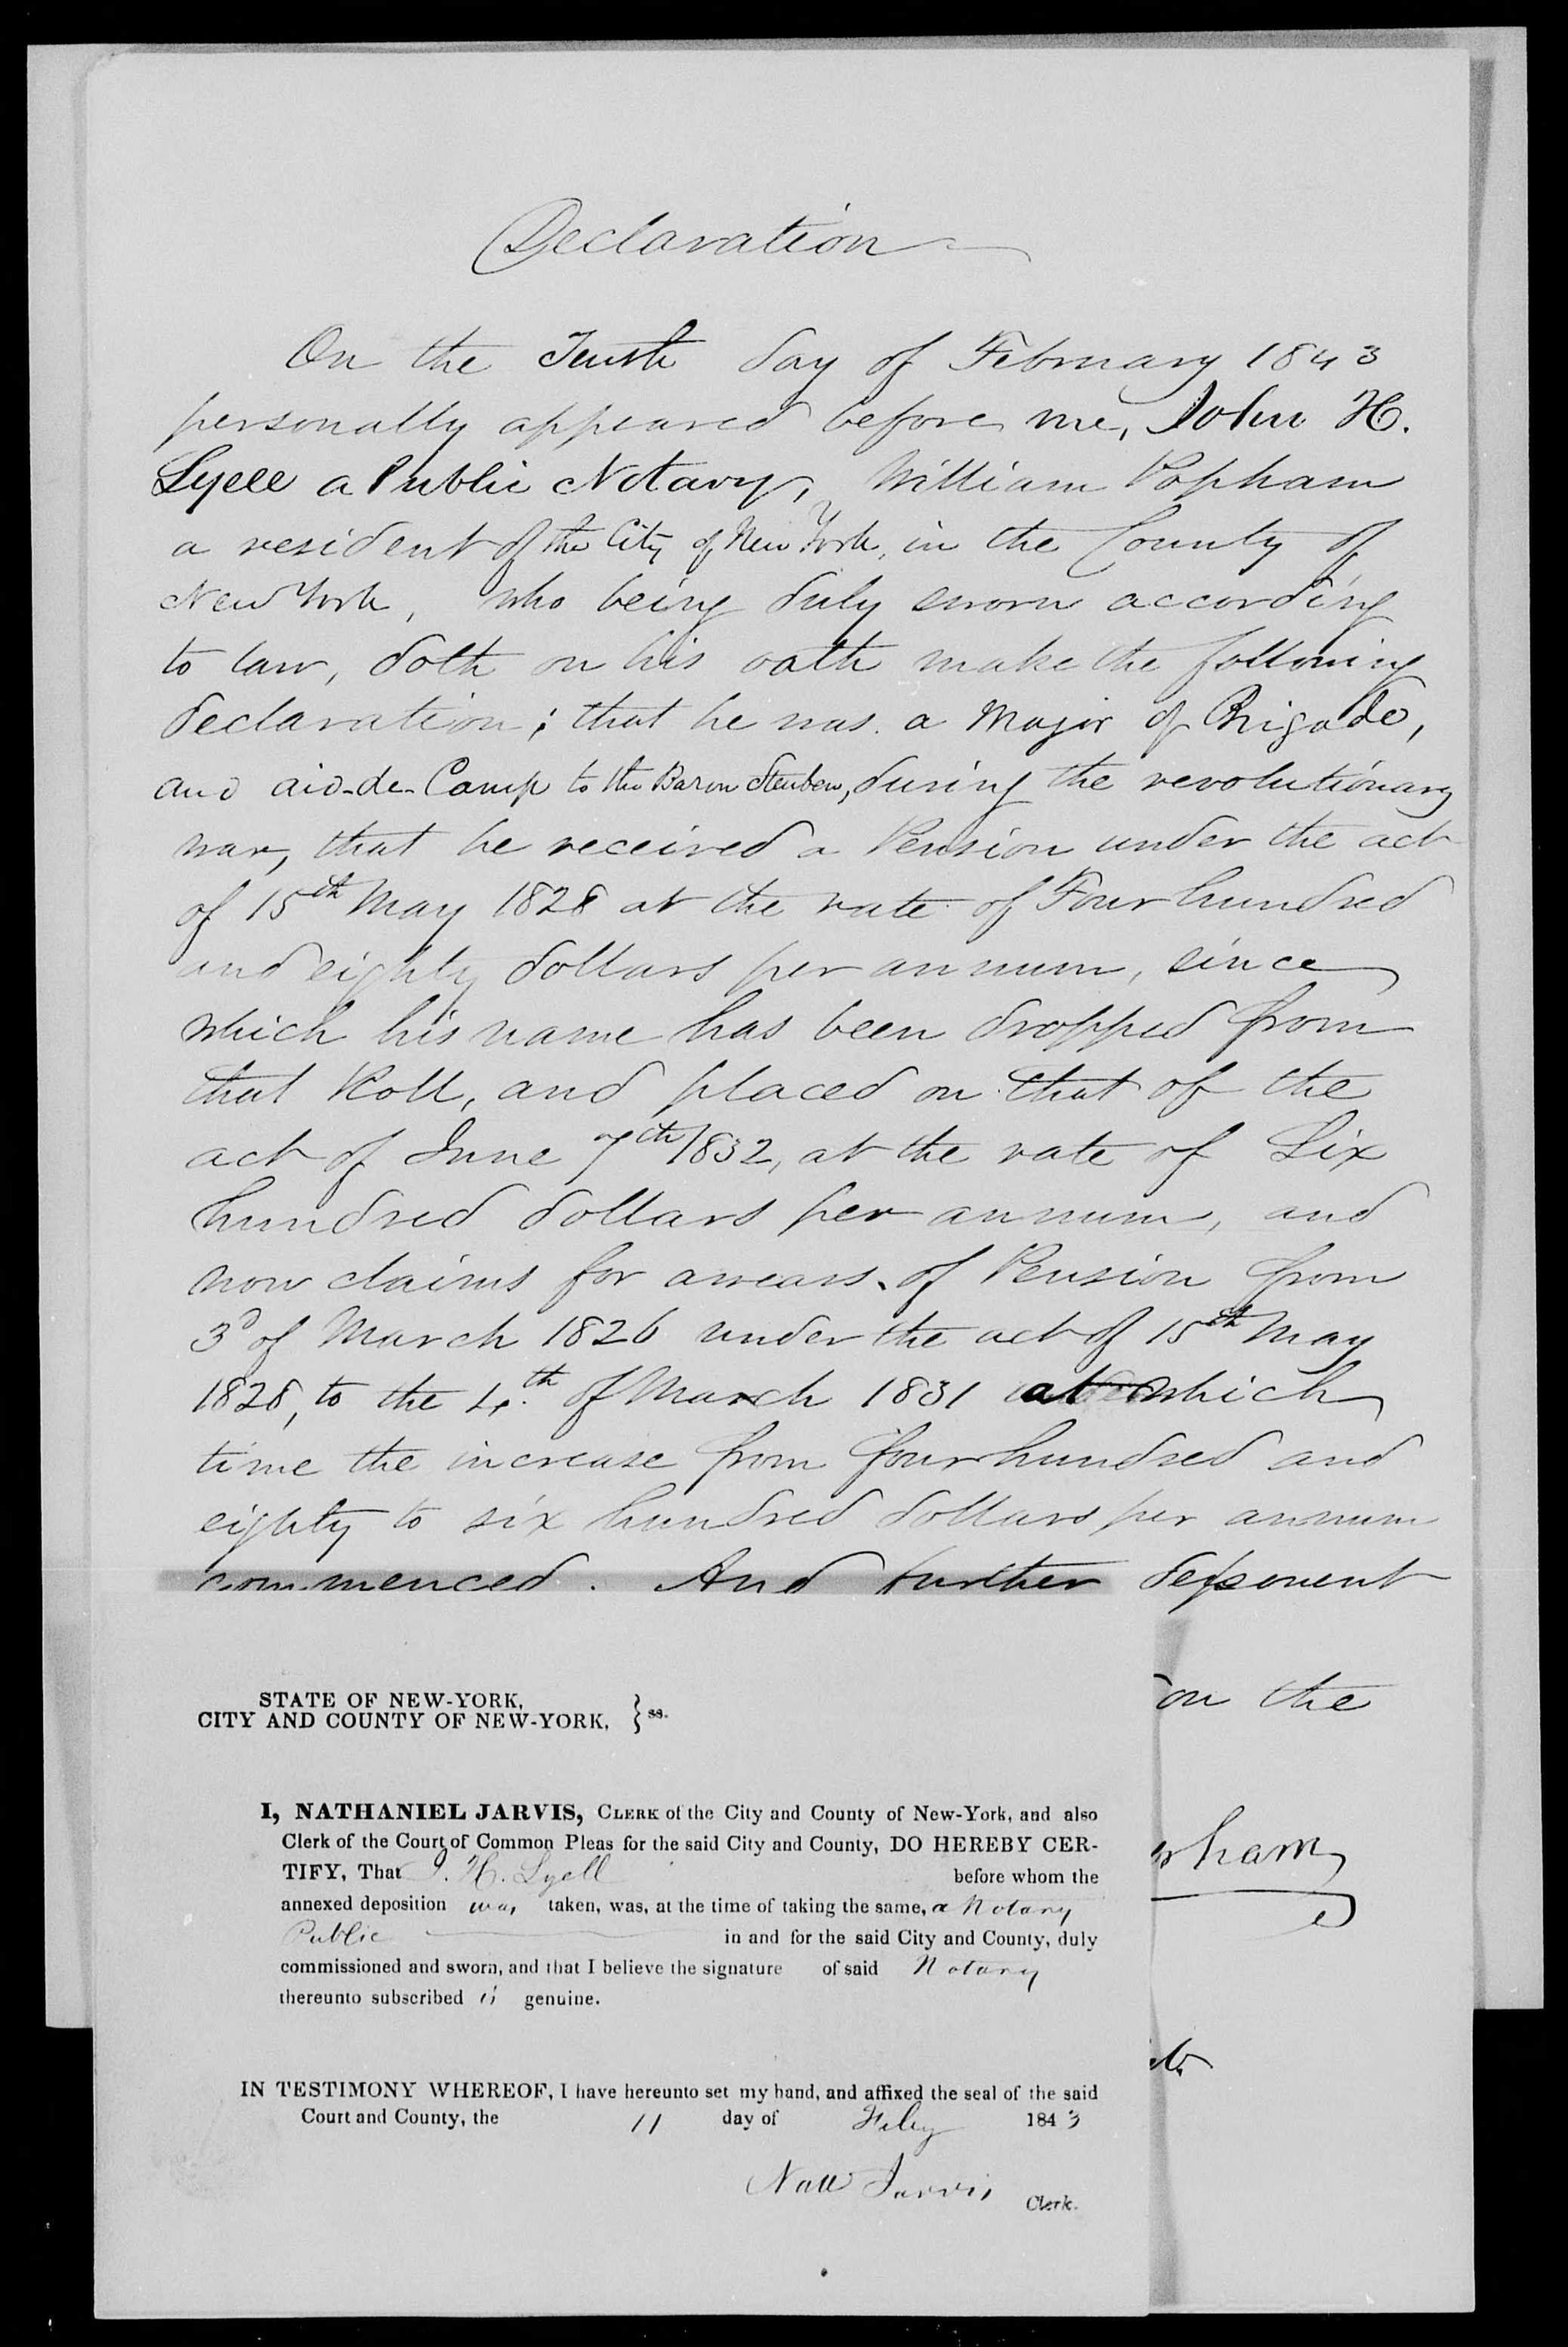[Centered] Declaration
On the Tenth day of February 1843
personally appeared before me, John H.
Lyell a Public Notary, William Popham
a resident of the City of New York, in the County of
New York
who being duly sworn according to
law, doth on his oath make the following
declaration; that he was a Major of Brigade,
and aid de Camp to the Baron Steuben, during the revolutionary war
, that he received a Pension under the act
of 15th May 1828 at the rate of Four hundred
and eighty dollars per annum, since
which his name has been dropped from
that Roll, and placed on that of the
act of June 7th 1832, at the rate of Six
hundred dollars per annum, and
now claims for arrears of Pension from
3d of March 1826 under the act of 15th May
1828, to the 4th of March 1831 which
time the increase from four hundred and
eighty to six hundred dollars per annum
commenced. And further deponent

STATE OF NEW YORK.}
CITY AND COUNTY OF NEW YORK, } ss.
I, NATHANIEL JARVIS, CLERK of the City and County of New-York, and also
Clerk of the Court of Common Pleas for the said City and County, DO HEREBY CER-
TIFY, That J.H. Lyell
before whom the
annexed deposition was taken, was, at the time of taking the same, a Notary
Public in and for the said City and County, duly commissioned and sworn, and that I believe the signature of said Notary thereunto subscribed is genuine. IN TESTIMONY WHEREOF, I have hereunto set my hand and affixed the seal of the said Court and County, the 11 day of Feby 1843
Natl Jarvis Clerk.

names: Nathaniel Jarvis; John H Lyell; William Popham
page: 3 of 75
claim: survivor's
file: S. 9989, for William Popham, Delaware